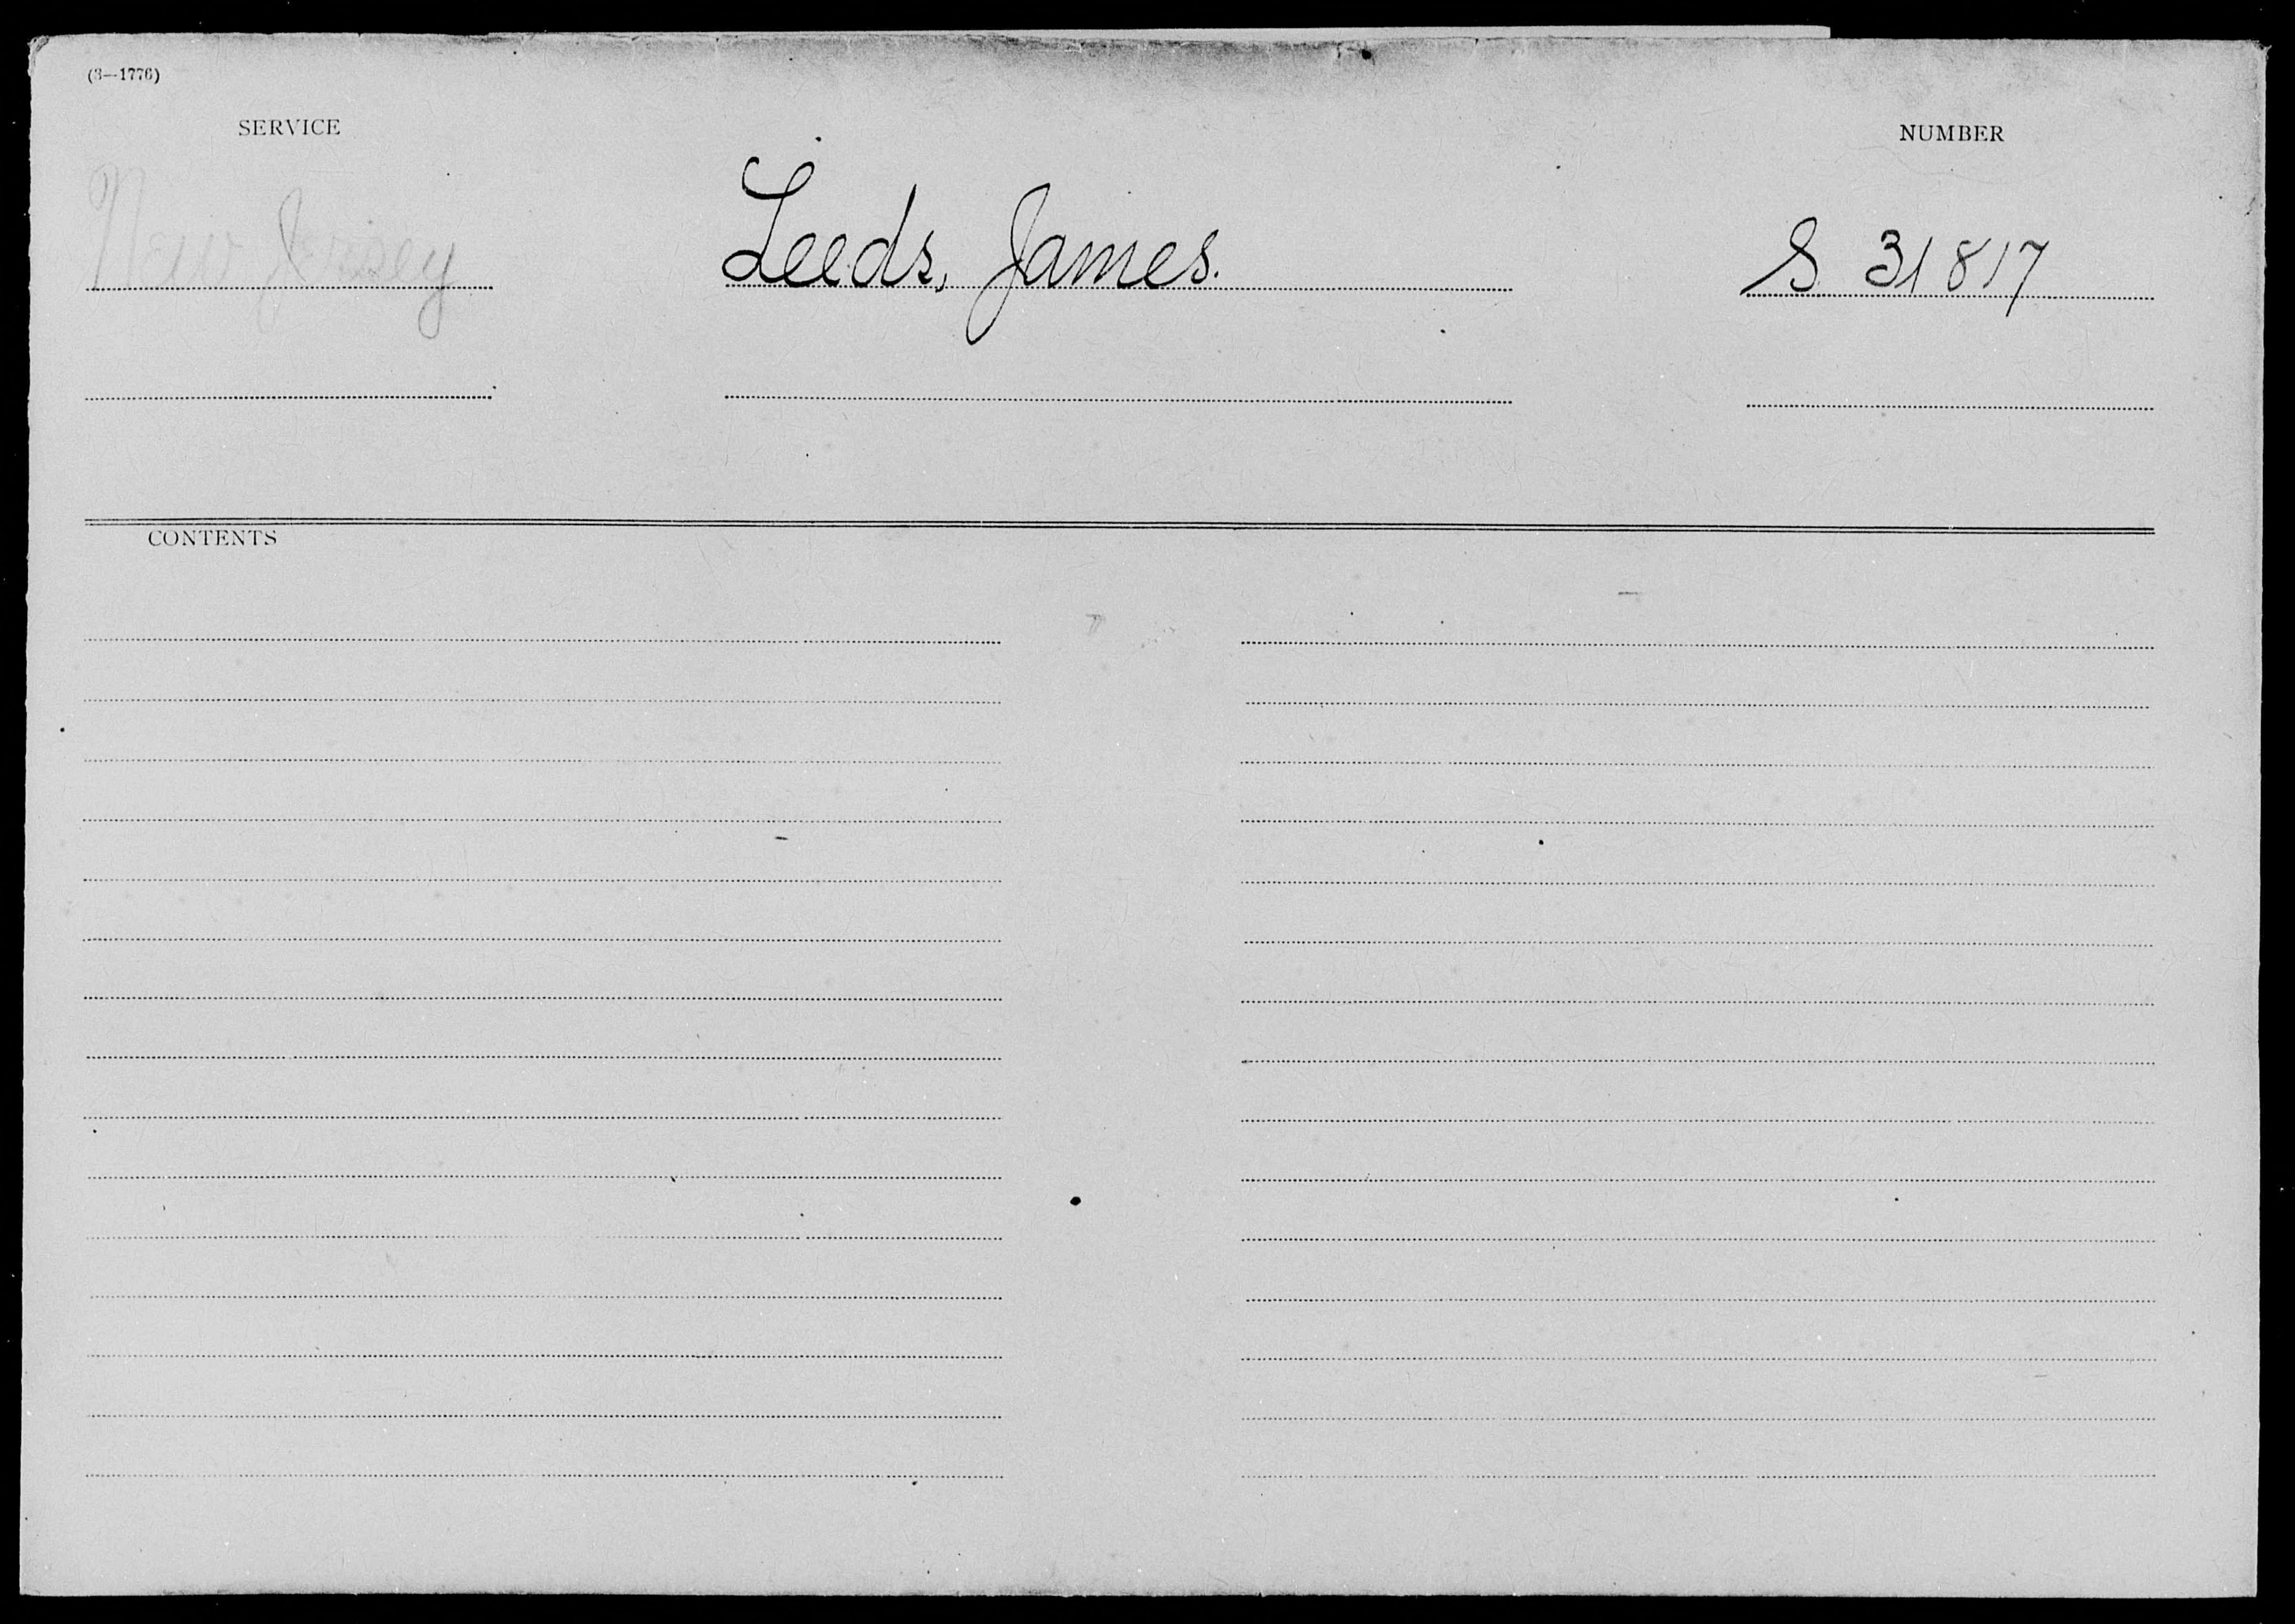SERVICE   |   NUMBER

New Jersey   Leeds, James        S31817

CONTENTS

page: 1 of 38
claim: survivor's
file: S 31817, for James Leeds, New Jersey